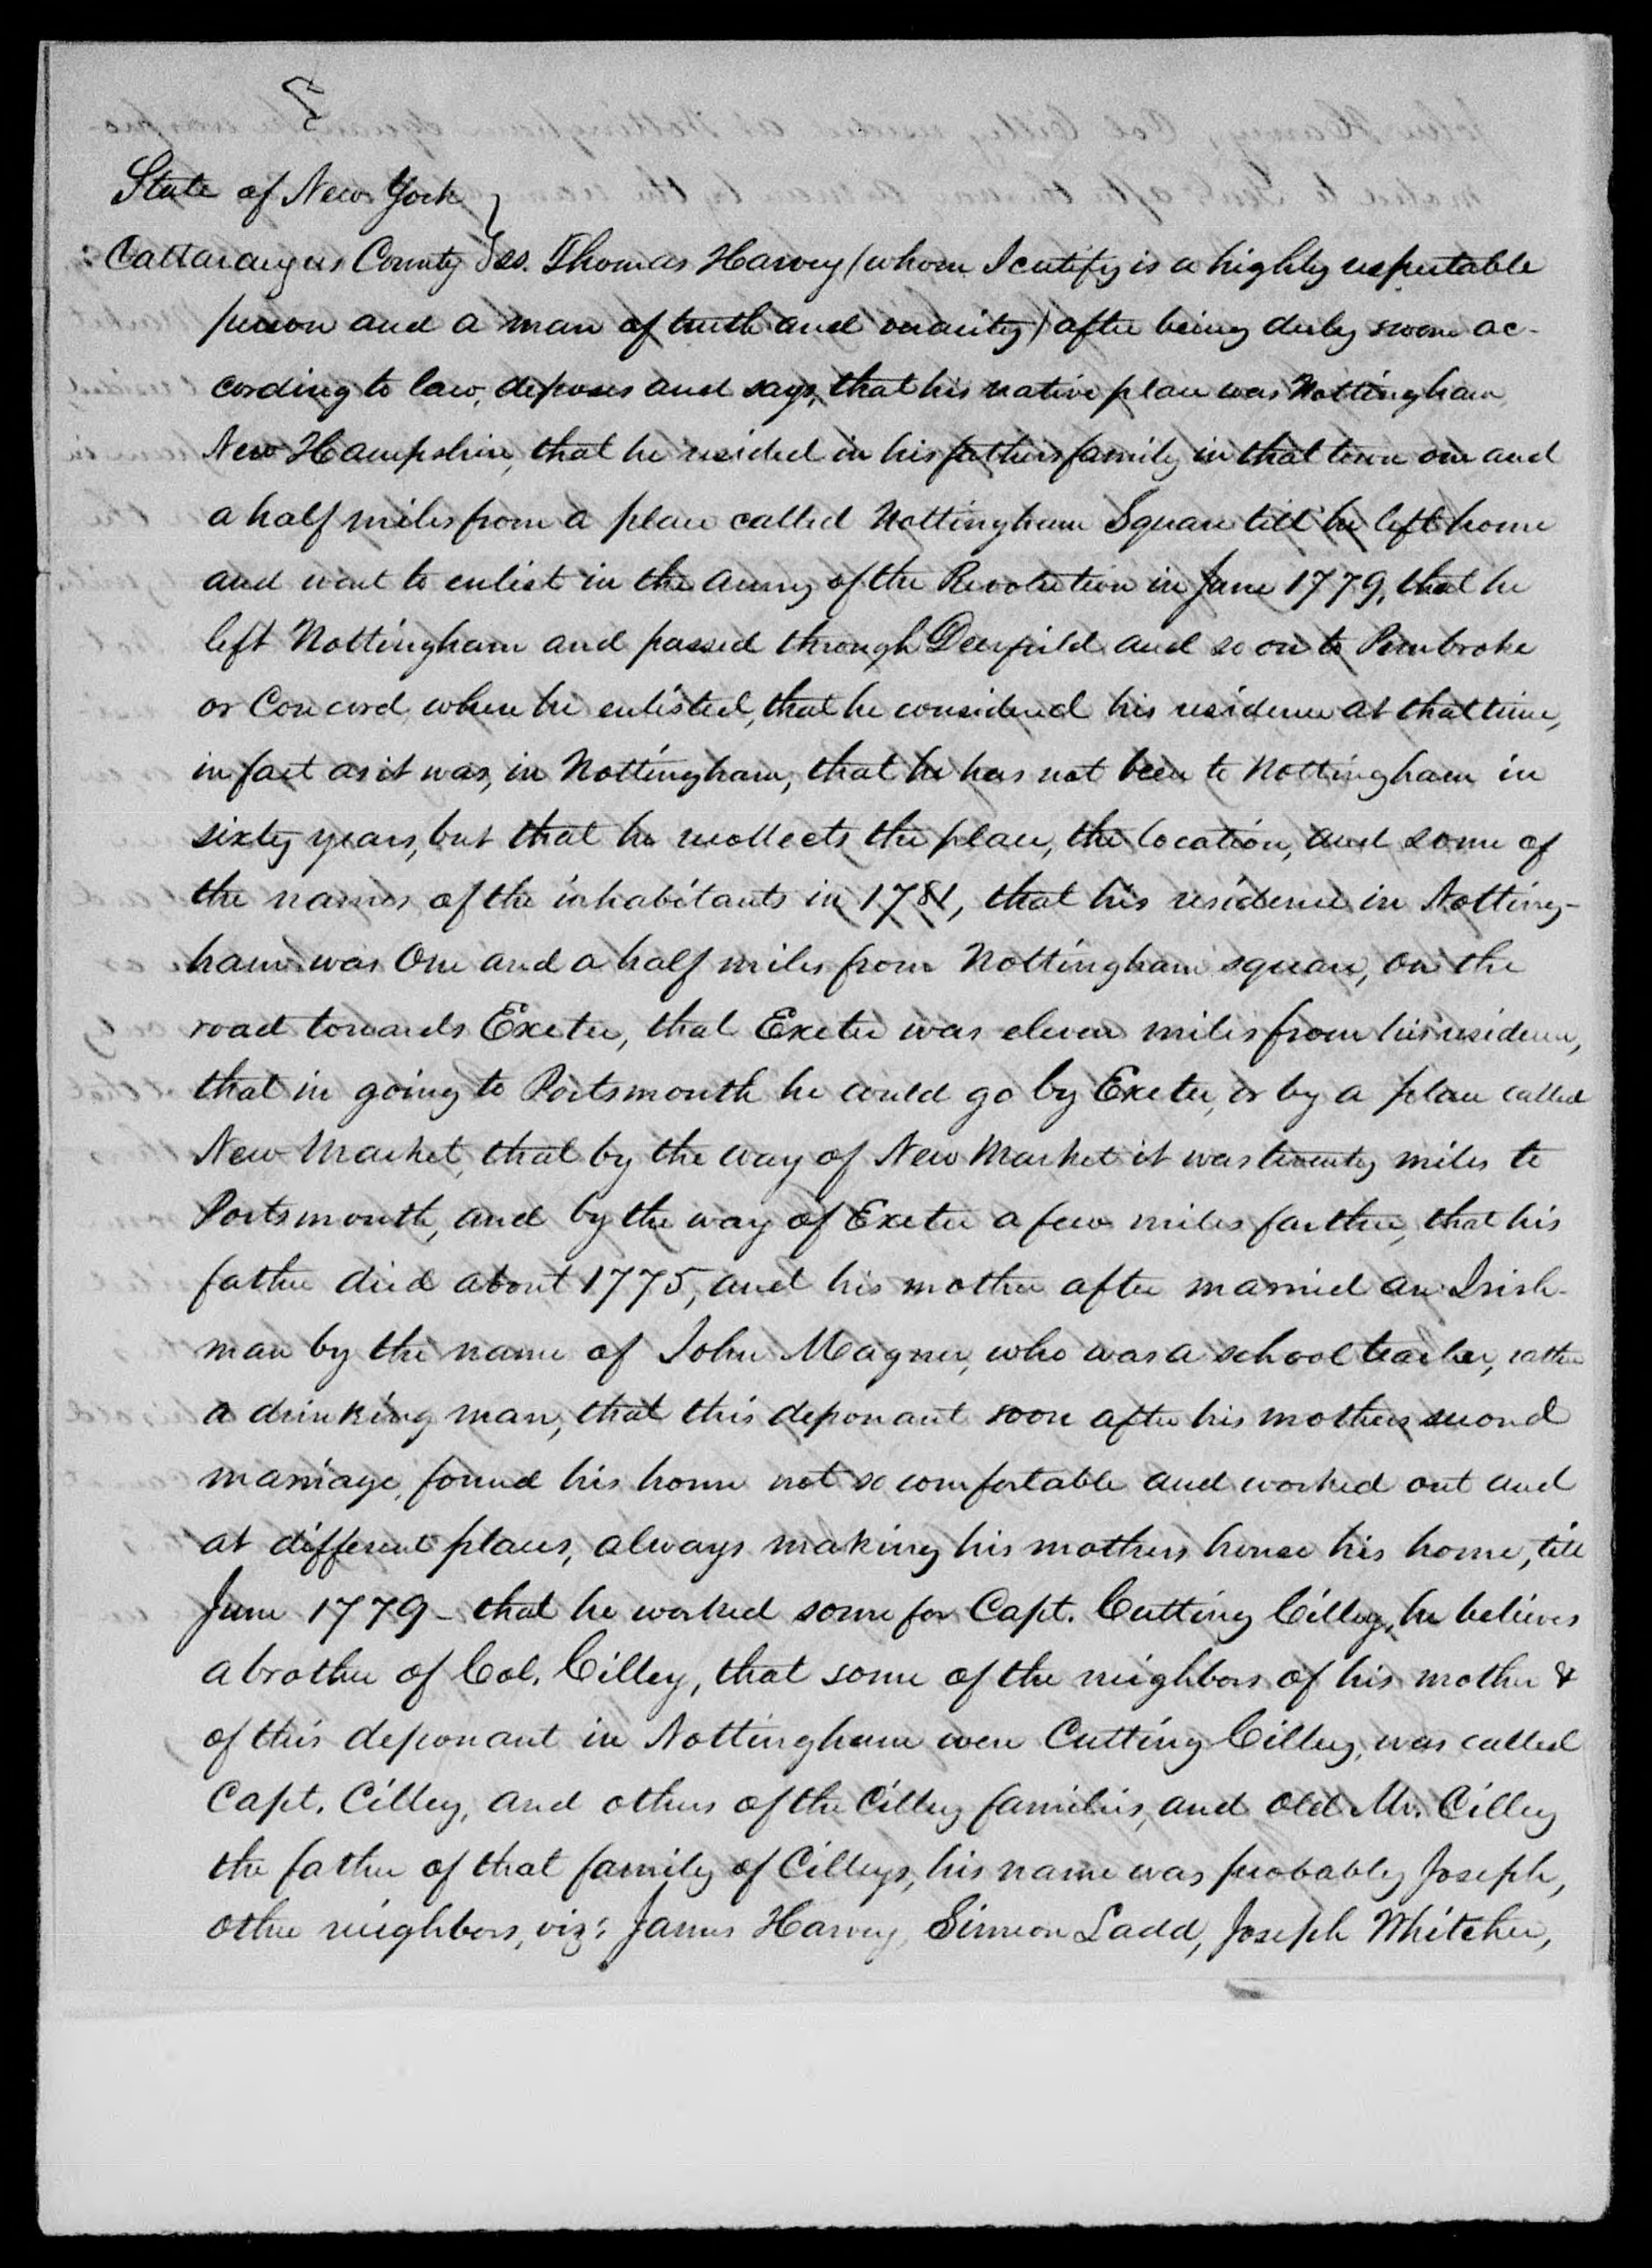State of New York
Cattaraugus County}ss. Thomas Harvey (whom I certify is a highly respectable person and a man of truth and veracity) after being duly sworn according to law, deposes and says, that his native place was Nottingham New Hampshire, that he resided in his father's family in that town one and a half miles from a place called Nottingham Square till he left home and went to enlist in the Army of the Revolution in June 1779, that he left Nottingham and passed through Deerfield and so on to Pembroke or Concord, where he enlisted, that he considered his residence at that time, in fact as it was, in Nottingham, that he has not been to Nottingham in sixty years, but that he recollects the place, the location, and some of the names of the inhabitants in 1781, that his residence in Nottingham was one and a half miles from Nottingham square, on the road towards Exeter, that Exeter was eleven miles from his residence, that in going to Portsmouth he could go by Exeter, or by a place called New Market it was twenty miles to Portsmouth, and by the way of Exeter a few miles farther, that his father died about 1775, and his mother after married an Irishman by the name of John Magner, who was a school teacher, rather a drinking man, that this deponant soon after his mother's second marriage, found his home not so comfortable and worked out and at different places, always making his mother's house his home, till June 1779 - that he worked some for Capt. Cutting Cilley, he believes a brother of Col. Cilley, that some of the neighbors of his mother & of this deponant in Nottingham were Cutting Cilley, was called Capt. Cilley and others of the Cilley families, and old Mr. Cilley the father of the family of Cilley's, his name was probably Joseph, other neighbors, viz: James Harvey, Simeon Ladd, Joseph Whitcher,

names: Cilley, Cilley, Joseph Whitcher, Thomas Harvey, Cilley, James Harvey, Simeon Ladd, Cilley, John Magner, Cutting Cilley, Cutting Cilley, Cilley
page: 73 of 80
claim: survivor's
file: S. 18008, Thomas Harvey, N.H.